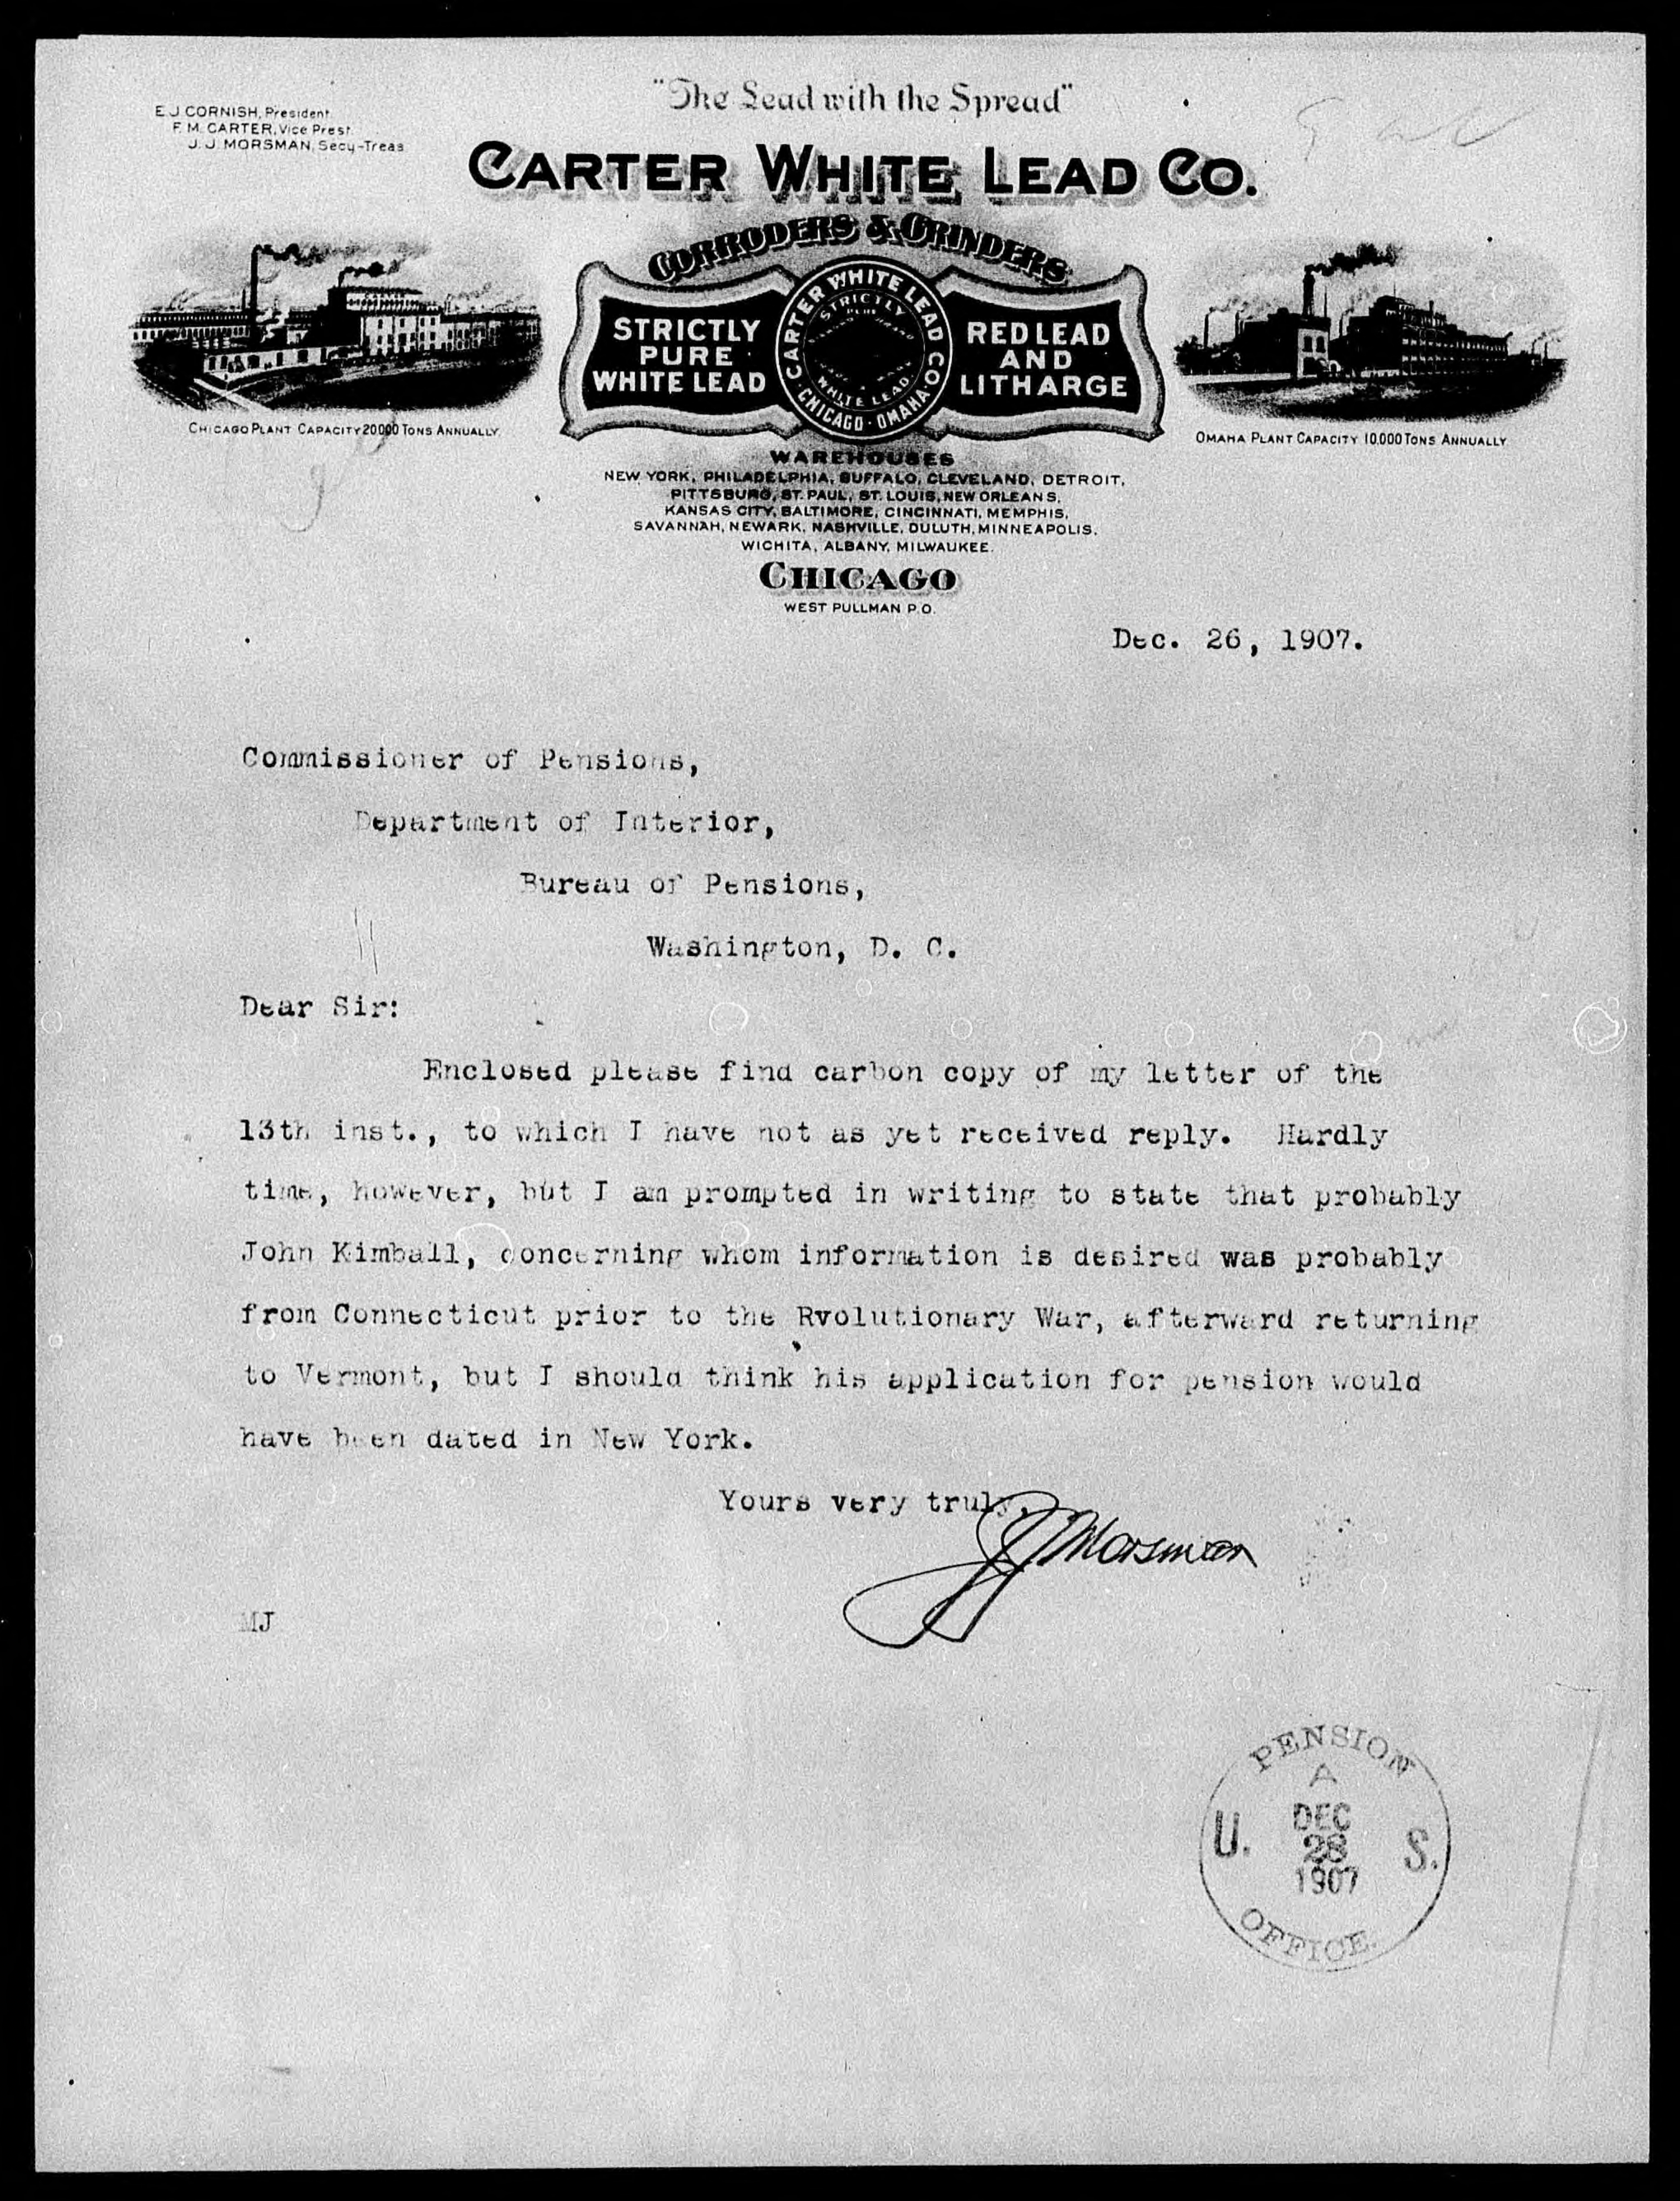"The Lead with the Spread"
Carter White Lead Co.
Corroders & Grinders Strictly Pure White Lead
Red Lead and Litharge
Carter White Lead Co Chicago Omaha

E. J. Cornish President
F. M. Carter, Vice Prest.
J. J. Morsman, Secy-Treas

Chicago Plant Capacity 20,000 Tons Annually [drawing of plant]

Omaha Plant Capacity 10,000 Tons Annually [drawing of plant]

Warehouses
New York, Philadelphia, Buffalo, Cleveland, Detroit, Pittsburg, St. Paul, St. Louis, New Orleans, Kansas City, Baltimore, Cincinnati, Memphis, Savannah, Newark, Nashville, Duluth, Minneapolis, Wichita, Albany, Milwaukee.
Chicago
West Pullman P.O.

Dec. 26, 1907.

Commissioner of Pensions,
Department of Interior,
Bureau of Pensions,
Washington, D. C.
Dear Sir:
Enclosed please find carbon copy of my letter of the 13th inst., to which I have not as yet received reply. Hardly time, however, but I am prompted in writing to state that probably John Kimball, concerning whom information is desired was probably from Connecticut prior to the Rvolutionary War, afterward returning to Vermont, but I should think his application for pension would have been dated in New York.
Yours very truly,
J. J. Morsman

MJ

[circle stamp] U.S. Pension A Dec 28 1907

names: John Kimball; F M Carter; E J Cornish; J J Morsman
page: 25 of 36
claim: survivor's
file: S. 42,792, for John Kimball, Connecticut